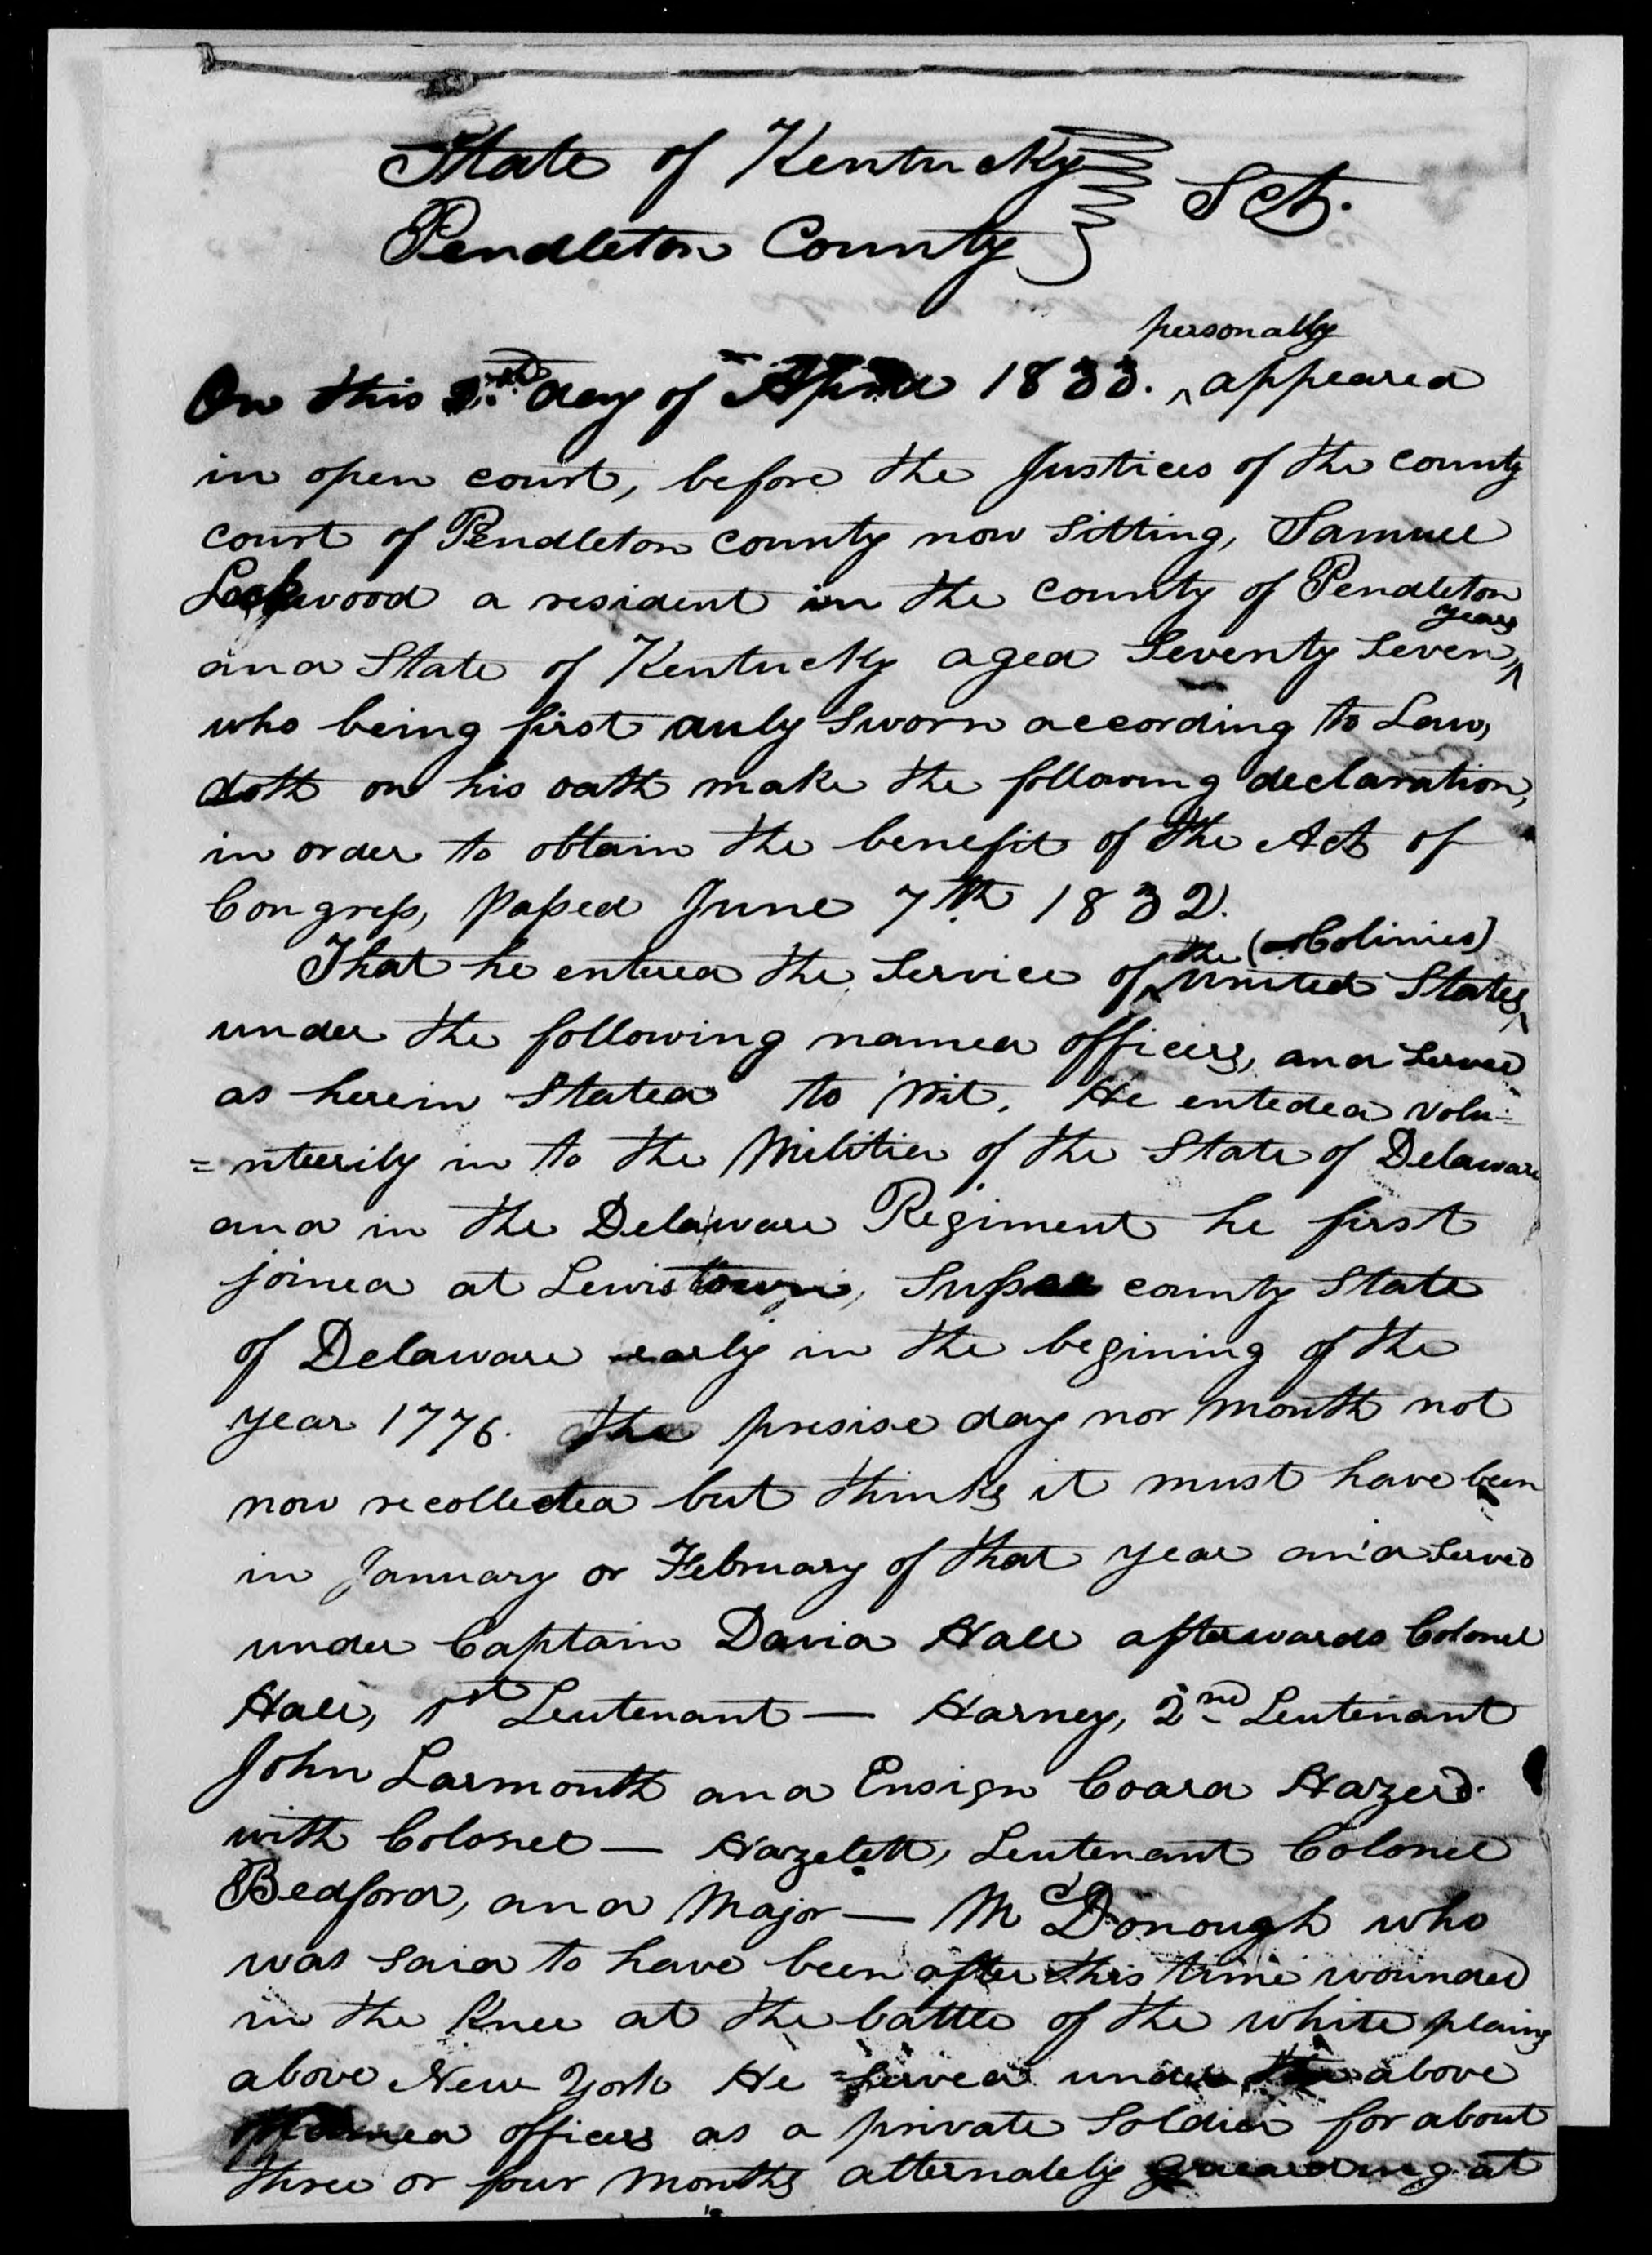State of Kentucky
Pendleton County 

On this 2nd day of April 1833 personally appeared in open court of Pendleton county now sitting, Samuel Lockwood a resident of the county of Pendleton and the state of Kentucky aged seventy seven years who being duly sworn according to the law, doth on his oath make the following declaration in order to obtain the benefits of the Act of Congress passed June 7th 1832.
     That he entered the service of the colonies of the United States under the following named officers and served as herein stated to me.  He entered voluntarily into the Militia of the state of Delaware and in the Delaware regiment.  He first joined at Lewiston, (unknown) county, state of Delaware early in the beginning of the year 1776, the precise day or month not now recollected, but think it must have been in January of February of that year and served under Captain David Hall, afterwards Colonel Hall, 1st Lieutenant - Harvey, 2nd Lieutenant John Larmonth and Ensign (unknown) Haza with Colonel - Hazelett, lieutenant Colonel Bedford, and Major - McDonough who was said to have been after this time wounded in the knee at the battle of the White Plains above New York.
Her served under the above officers as a private soldier for about three or four months Alternately guarding at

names: David Hall; Samuel Lockwood; John Larmonth; [BLANK] Mc Donough; Coara Hazerd; [BLANK] Harney; [BLANK] Bedford; [BLANK] Hazelett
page: 3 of 25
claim: survivor's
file: S. 13789, for Samuel Lockwood, Delaware